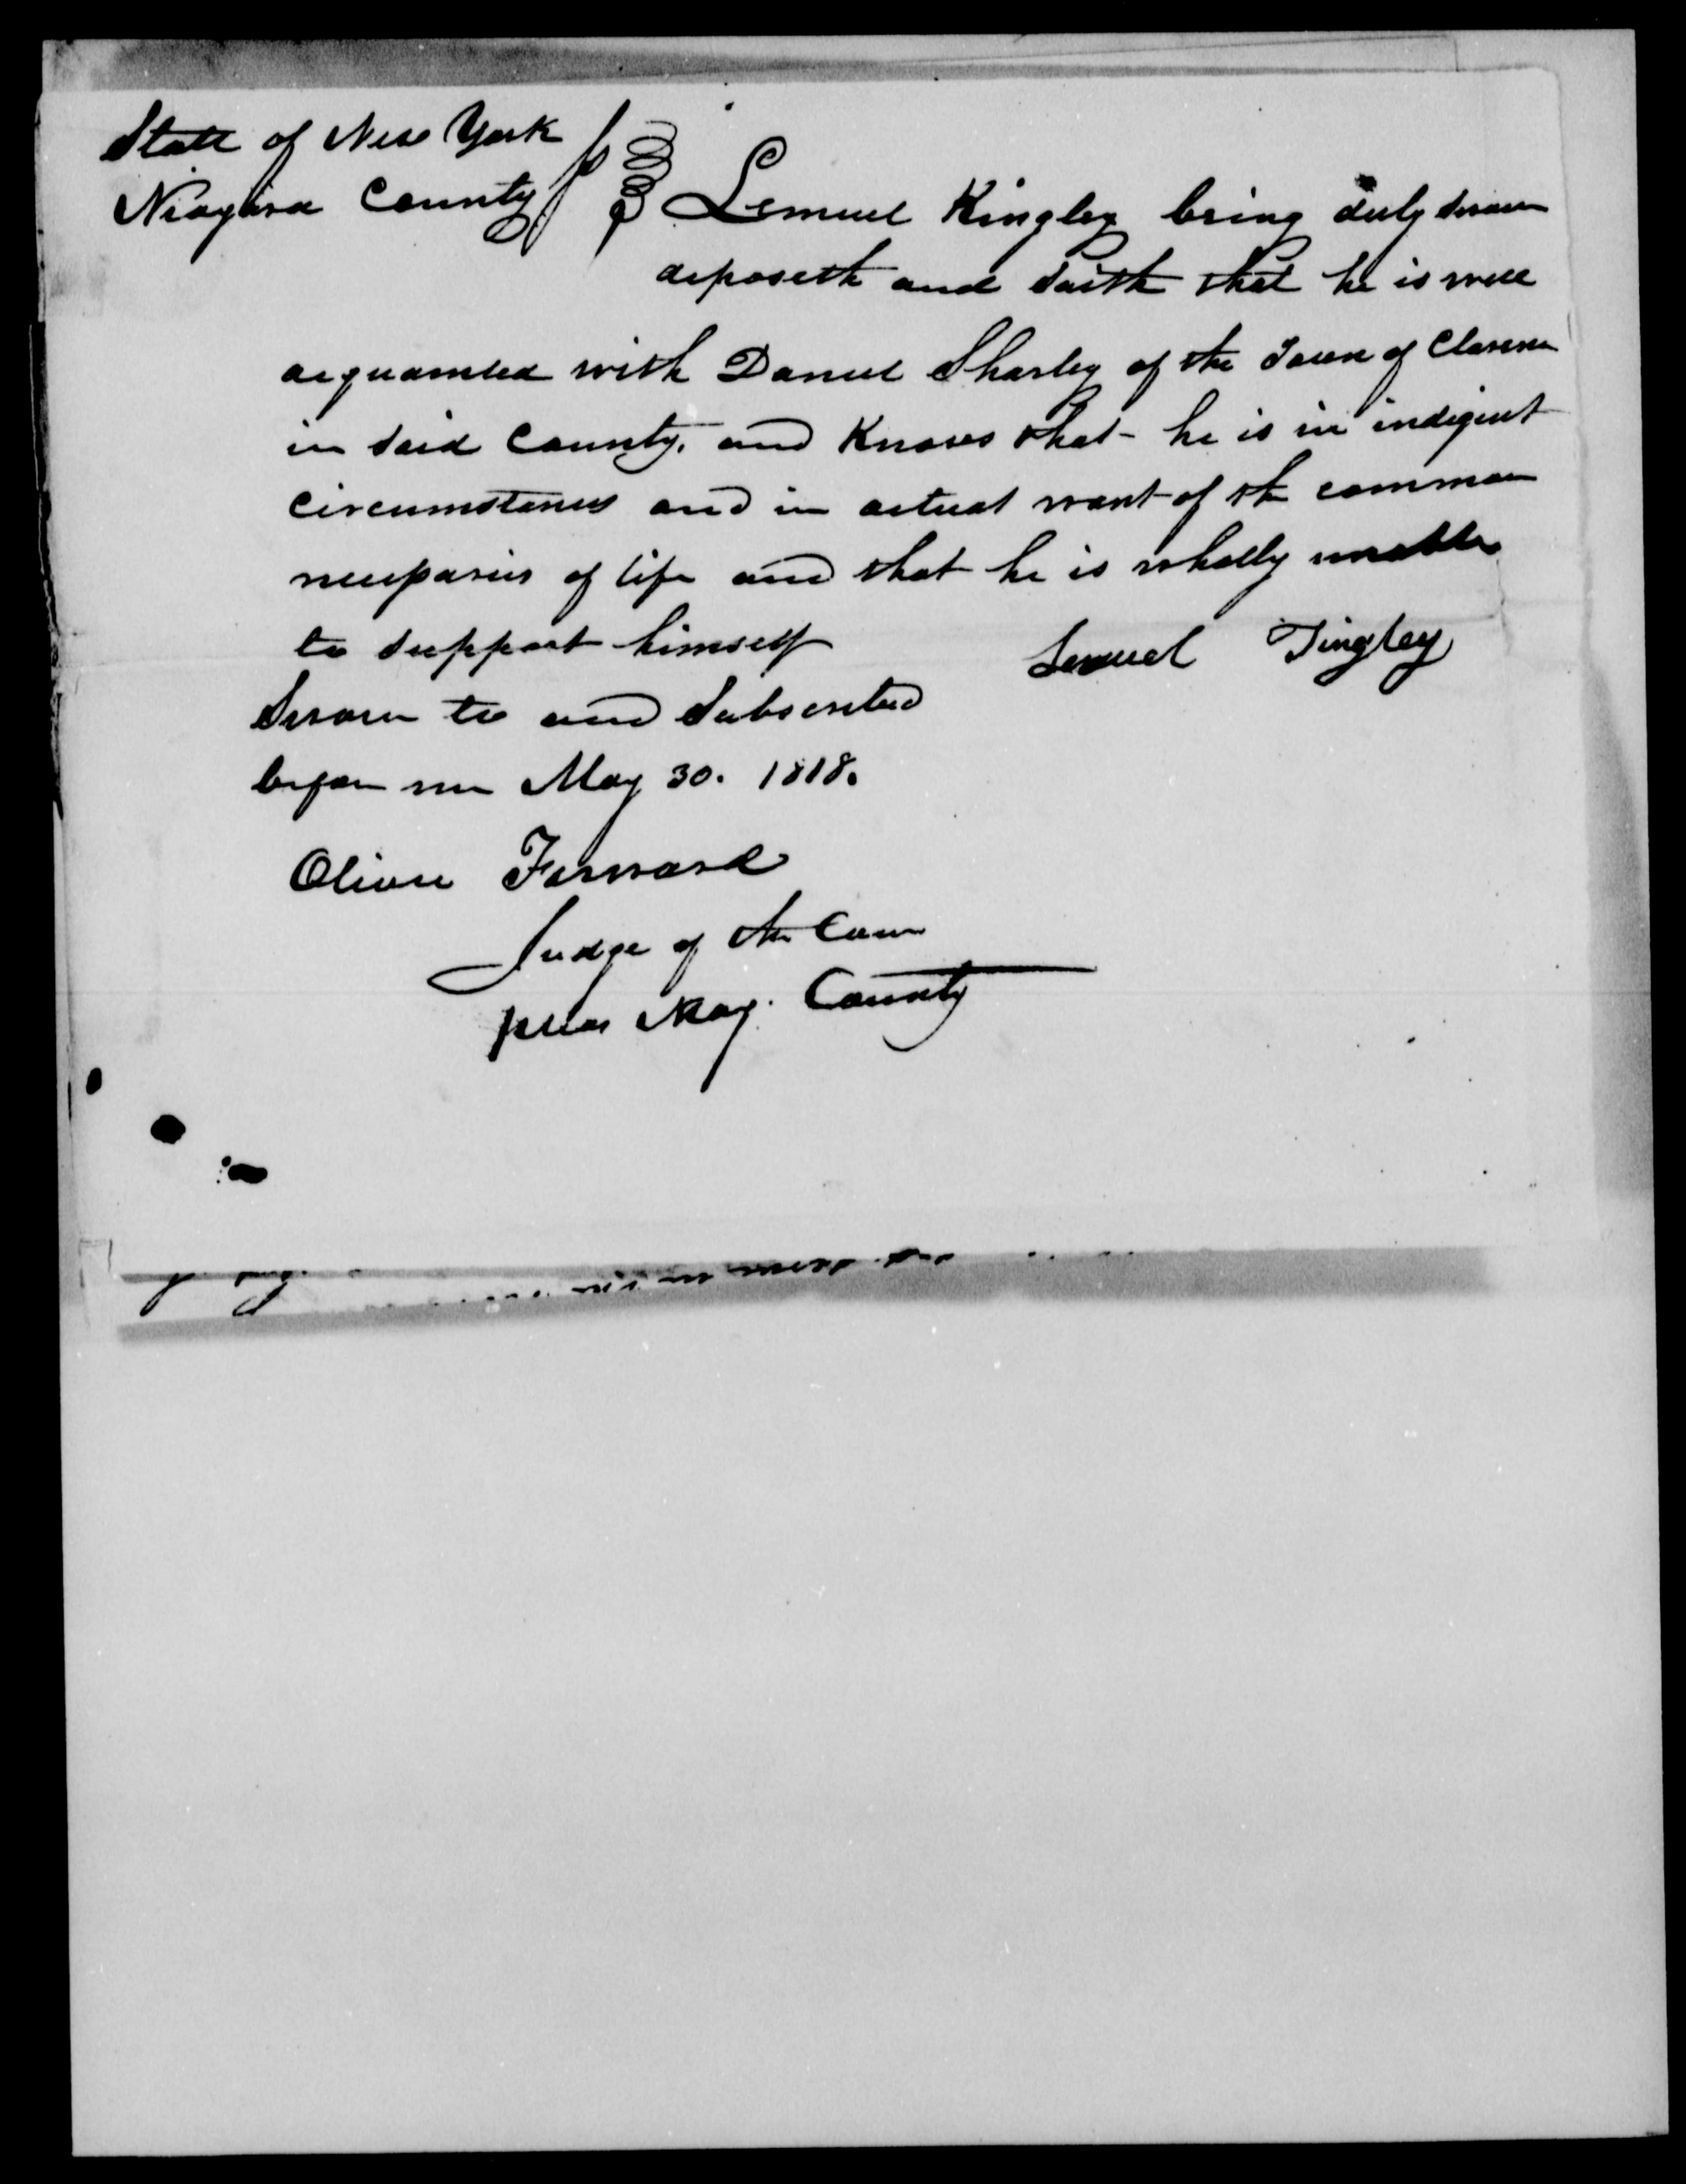State of New York        )
Niagara County  fs      )

Lemuel Kingley being duly Sworn deposeth and Saith that he is well acquainted with Daniel Shirley of the Town of Clarence in Said County, and Knows that he is in indigent circumstances and in actual want of the common necefsaries of life and that he is wholly unable to support himself
Lemuel Kingley

Sworn to and Subscribed before me May 30. 1818.
Oliver Forward
Judge of the Com
pleas  Niag. County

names: Daniel Sharley; Lemuel Kingley; Oliver Forward; Lemuel Kingley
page: 7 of 20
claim: survivor's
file: S. 40412, for Daniel Shirley, New Hampshire